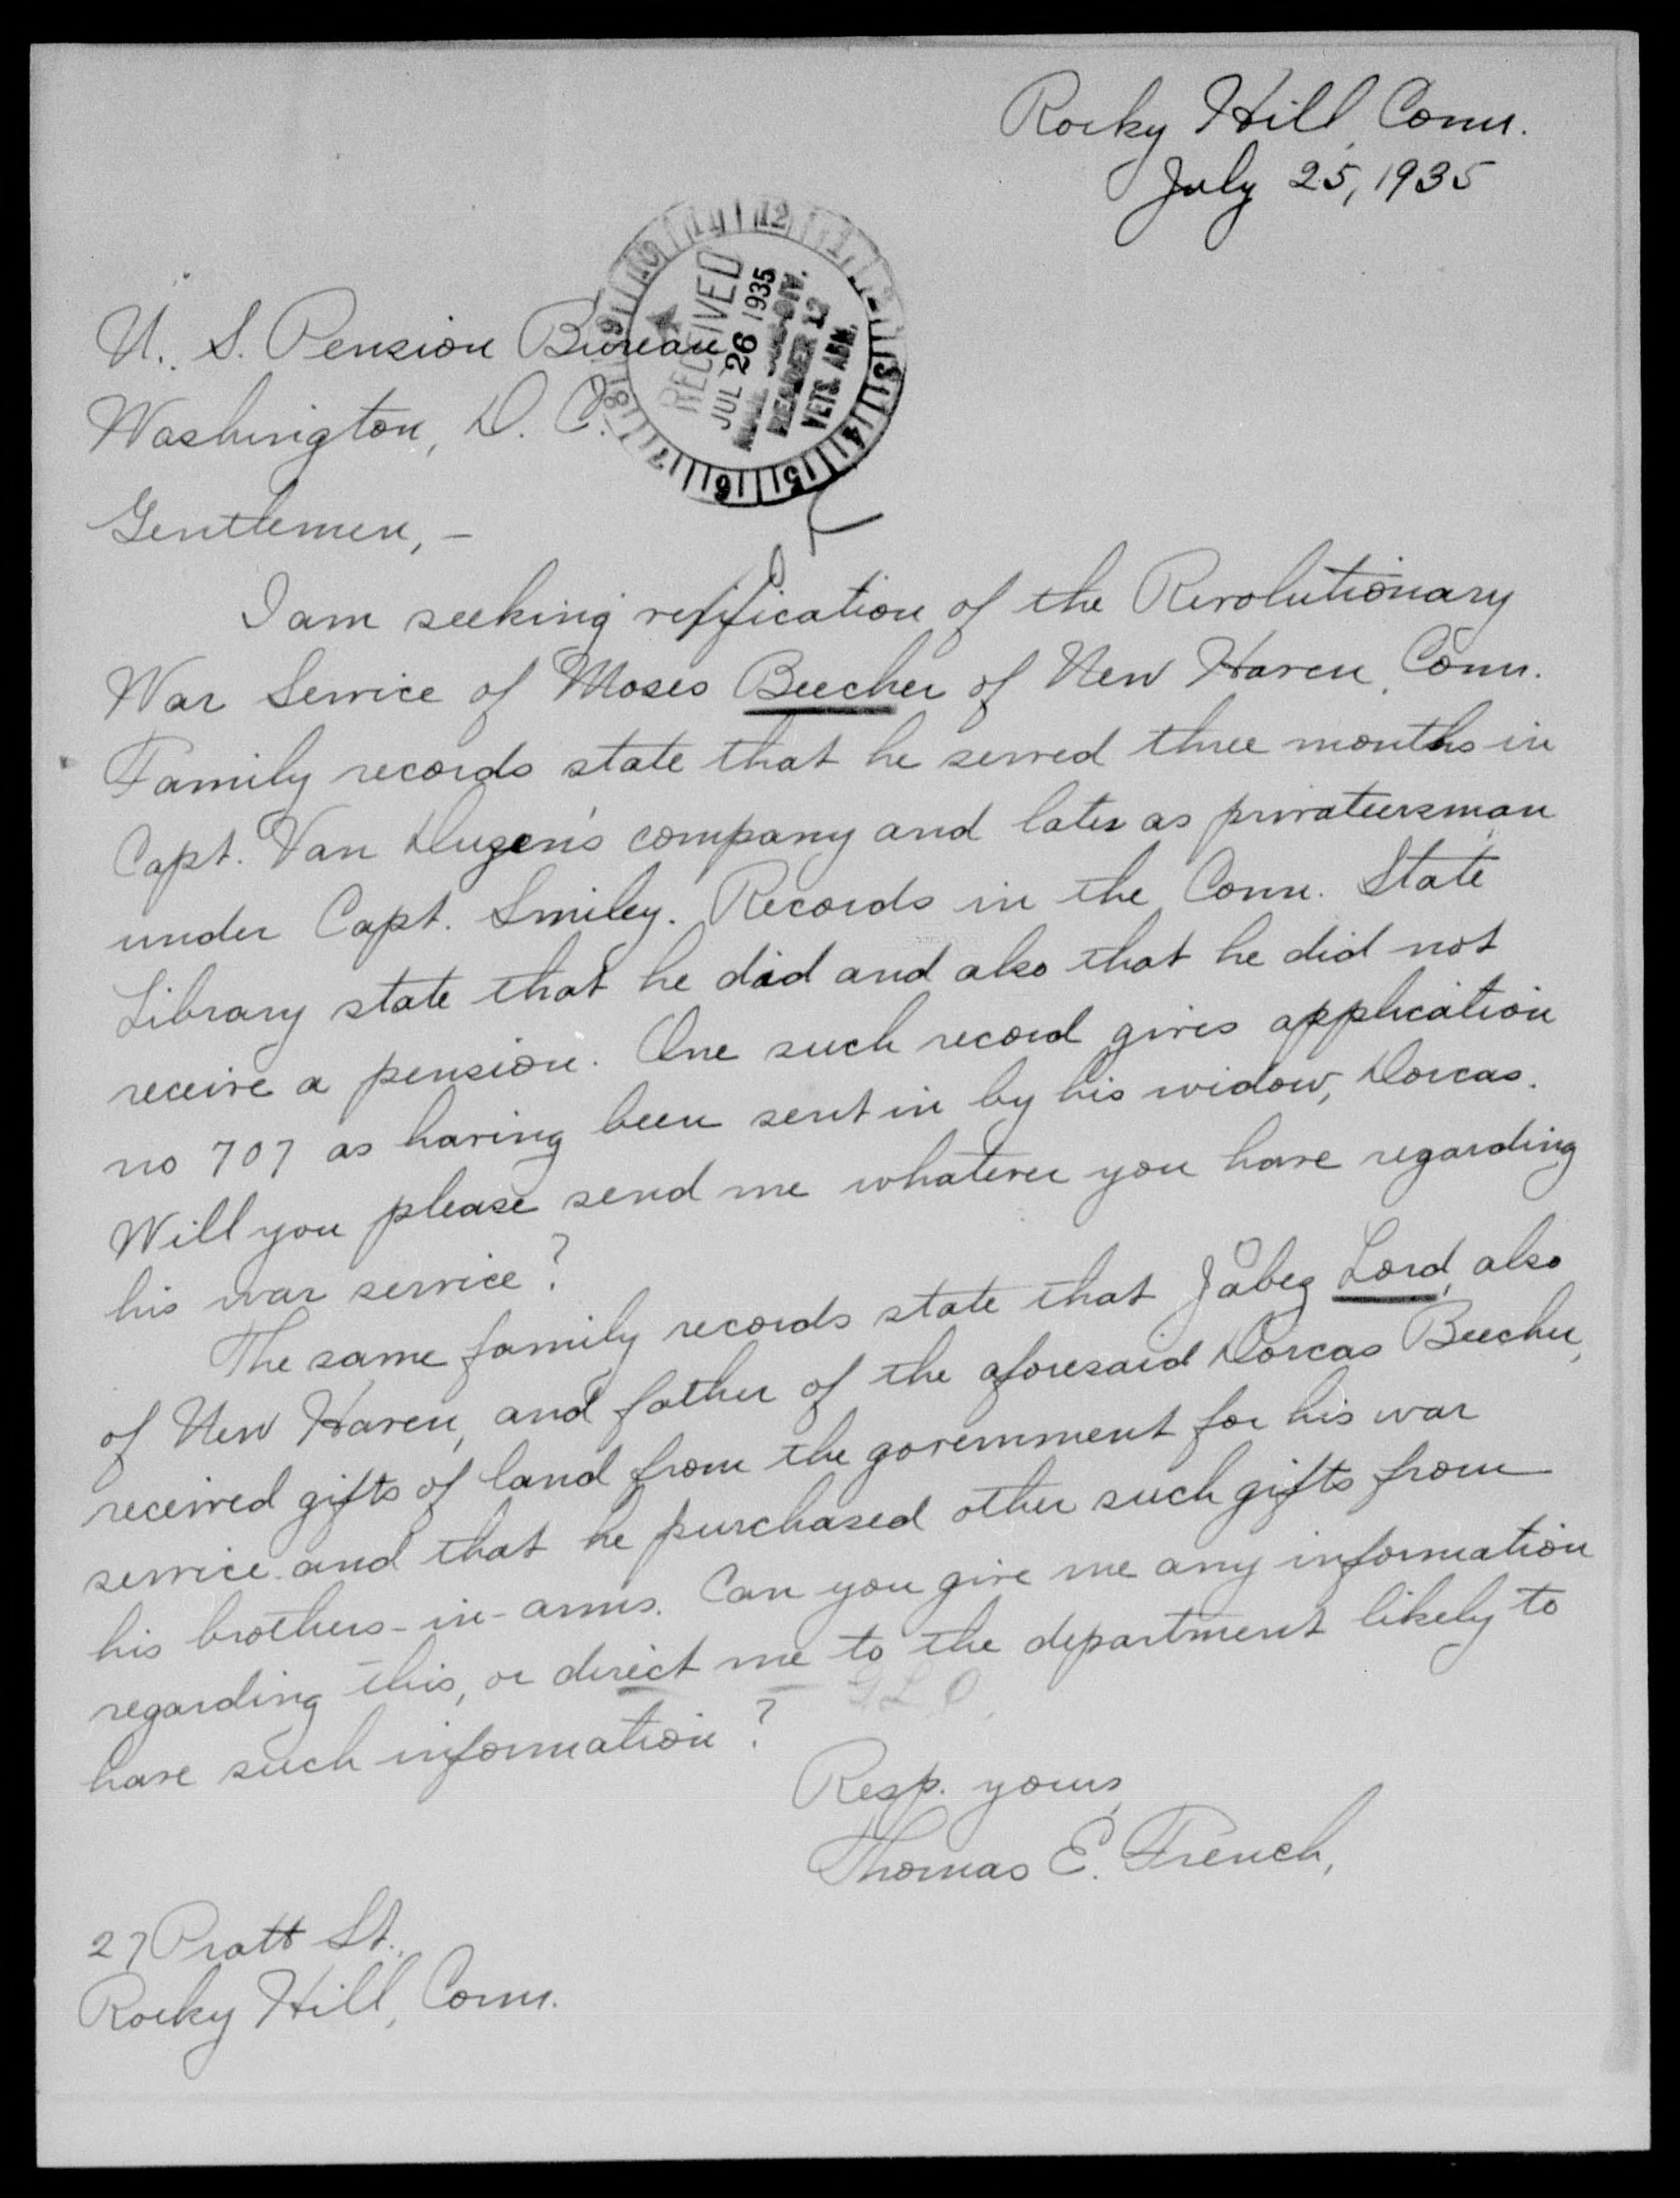Rocky Hill, Conn.
July 25, 1935
U.S. Pension Bureau
Washington, D. C.

[stamped] Received Jul 26 1935 
[illegible] Reader 12 Vets. ABM

Gentlemen, -
I am seeking verification of the Revolutionary War Service of Moses Beecher of New Haven, Conn. Family records state that he served three months in Capt. Van Dugen's company and later as privateersman under Capt. Smiley. Records in the Conn. State Library state that he did and also the he did not receive a pension. One such record gives application no 707 as having been sent in by his widow, Dorcas. Will you please sent me whatever you have regarding his war service?
The same family records state that Jabez Lord, also of New Haven, and father of the aforesaid Dorcas Beecher, received gifts of land from the government for his war service and that he purchased other such gifts from his brothers-in-arms. Can you give me any information regarding this, or direct me to the department likely to have such information?
Resp. yours Thomas E. French
27 Pratt St. Rocky Hill, Conn.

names: Thomas E French; [BLANK] Dorcas; Jabez Lord; [BLANK] Smiley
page: 2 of 5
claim: bounty land warrant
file: B. L. Wt. 6118-100, for Jabez Lord, Connecticut